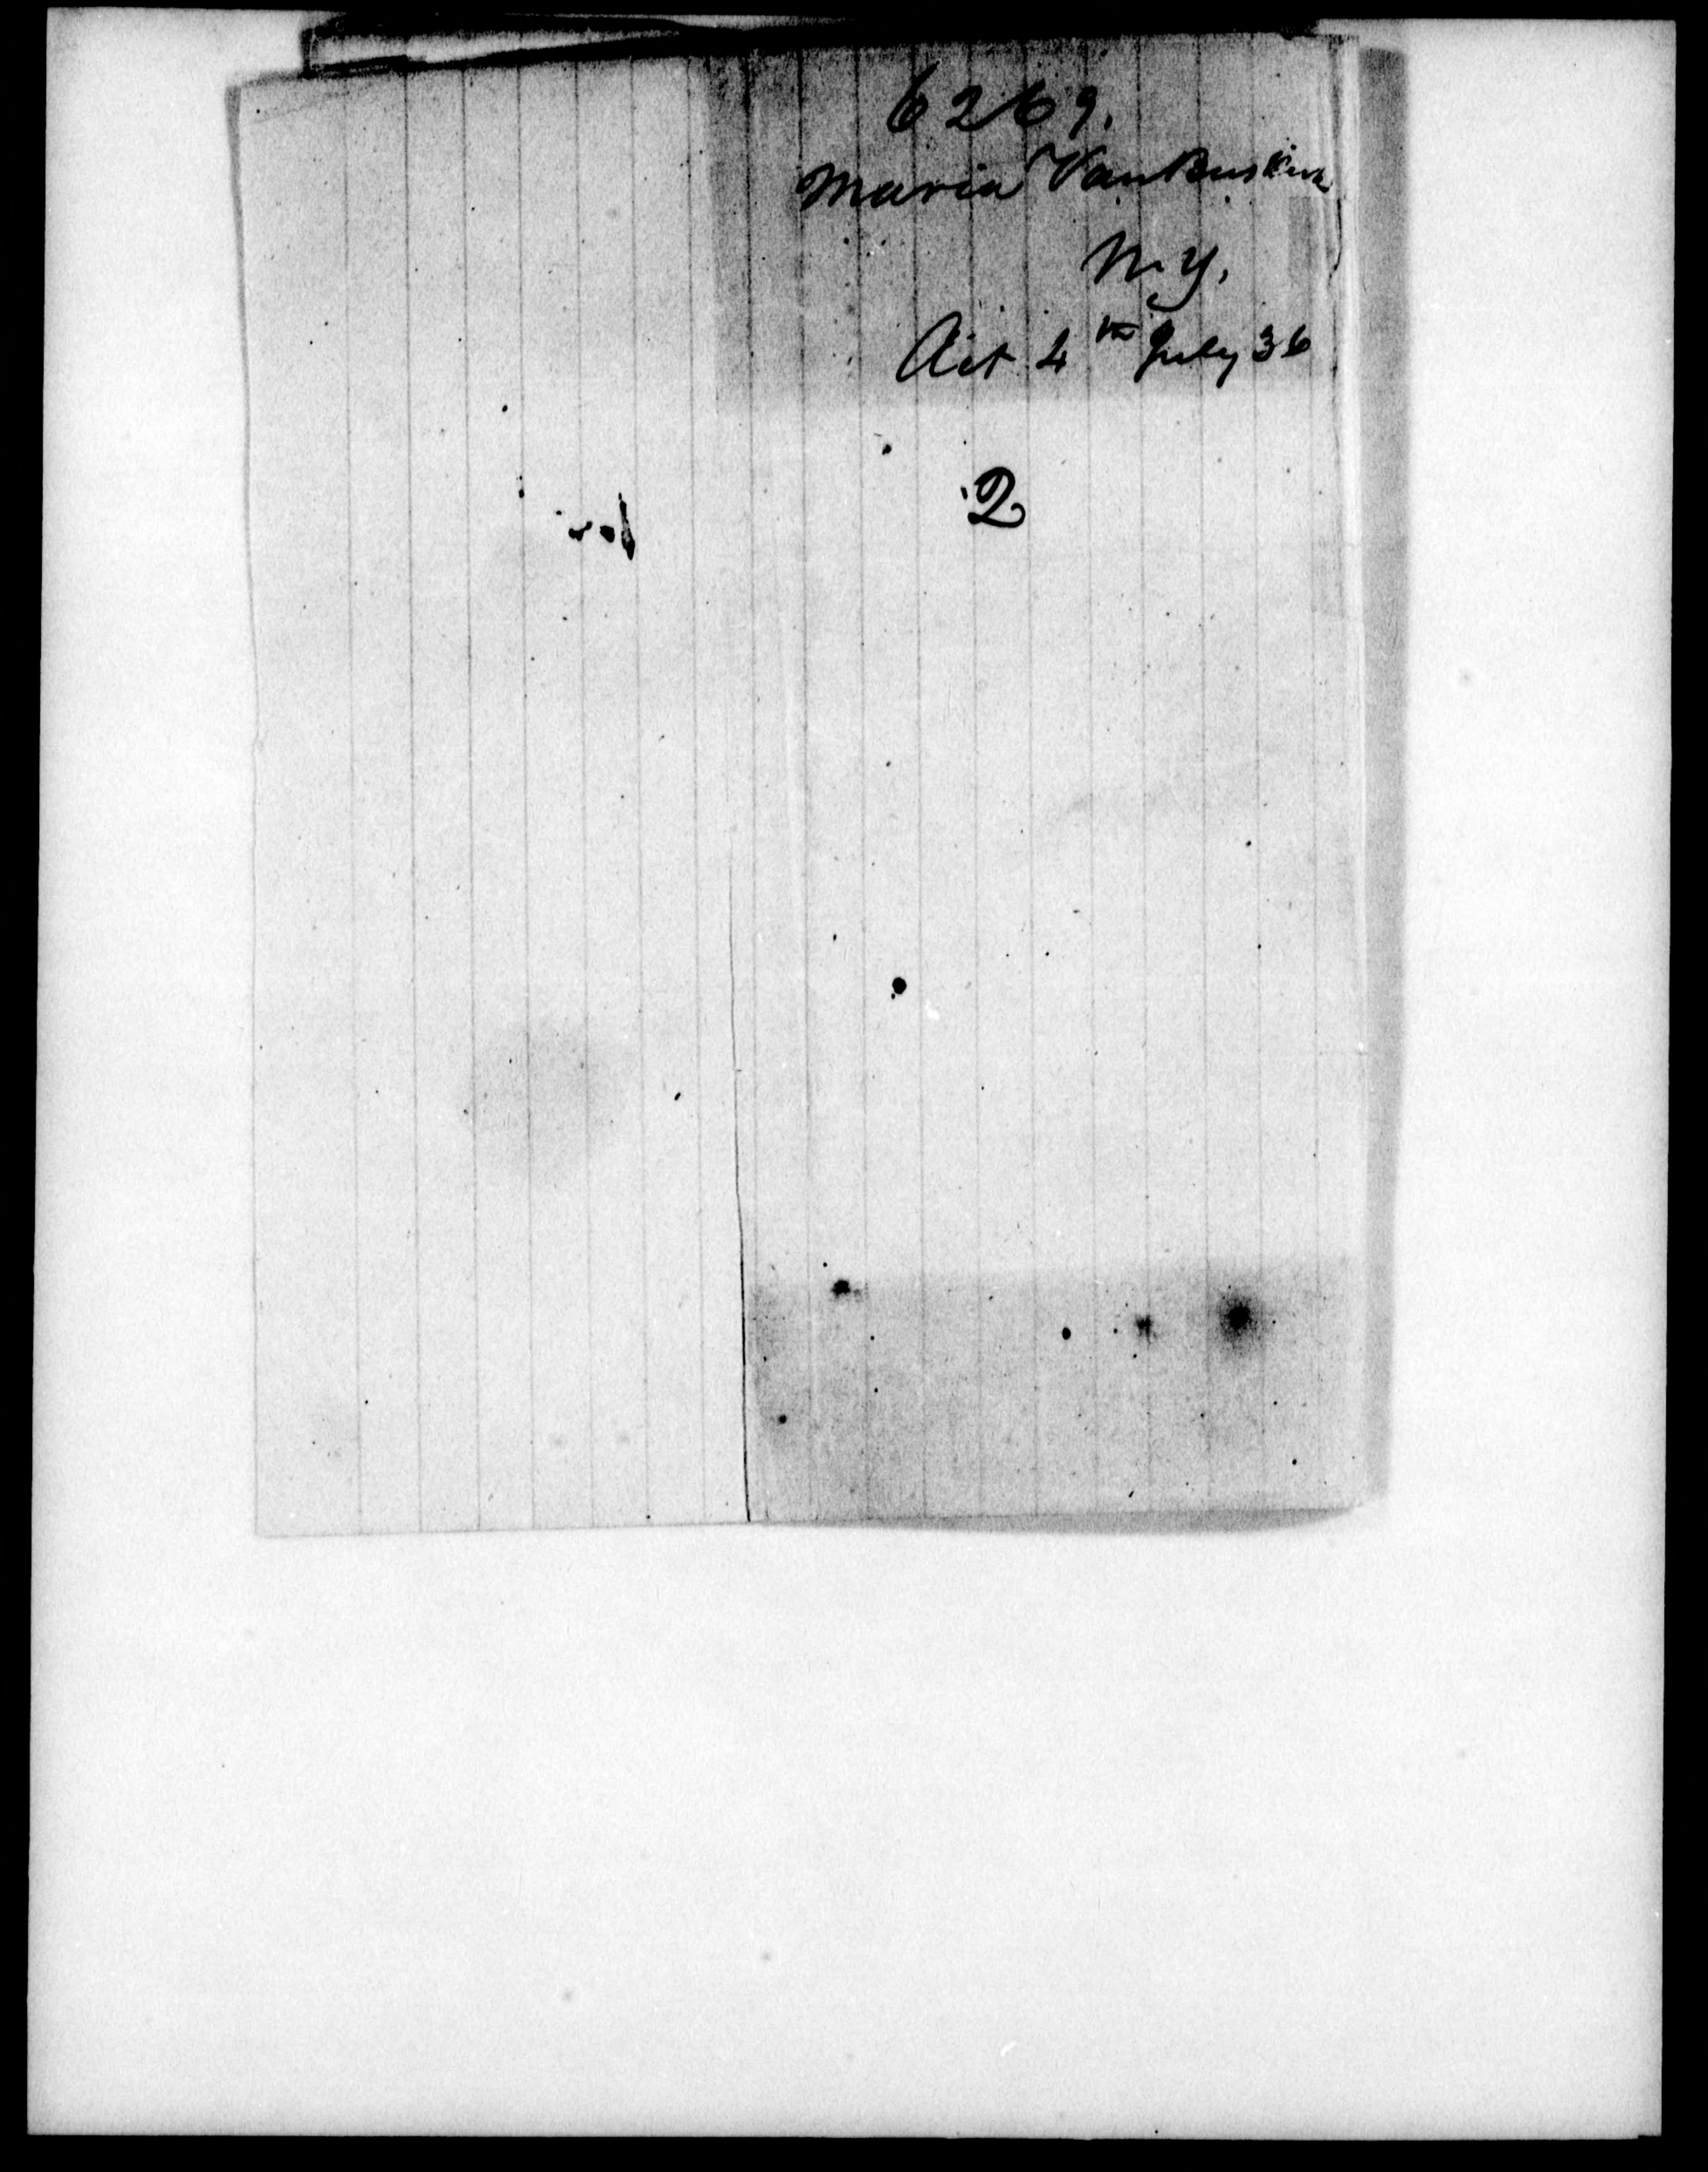6269.

Maria Van Buskirk
N.Y.
Act 4th July 36

2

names: Maria Van Buskirk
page: 65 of 70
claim: rejected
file: R. 10,832, Martin Van Buskirk, New York.